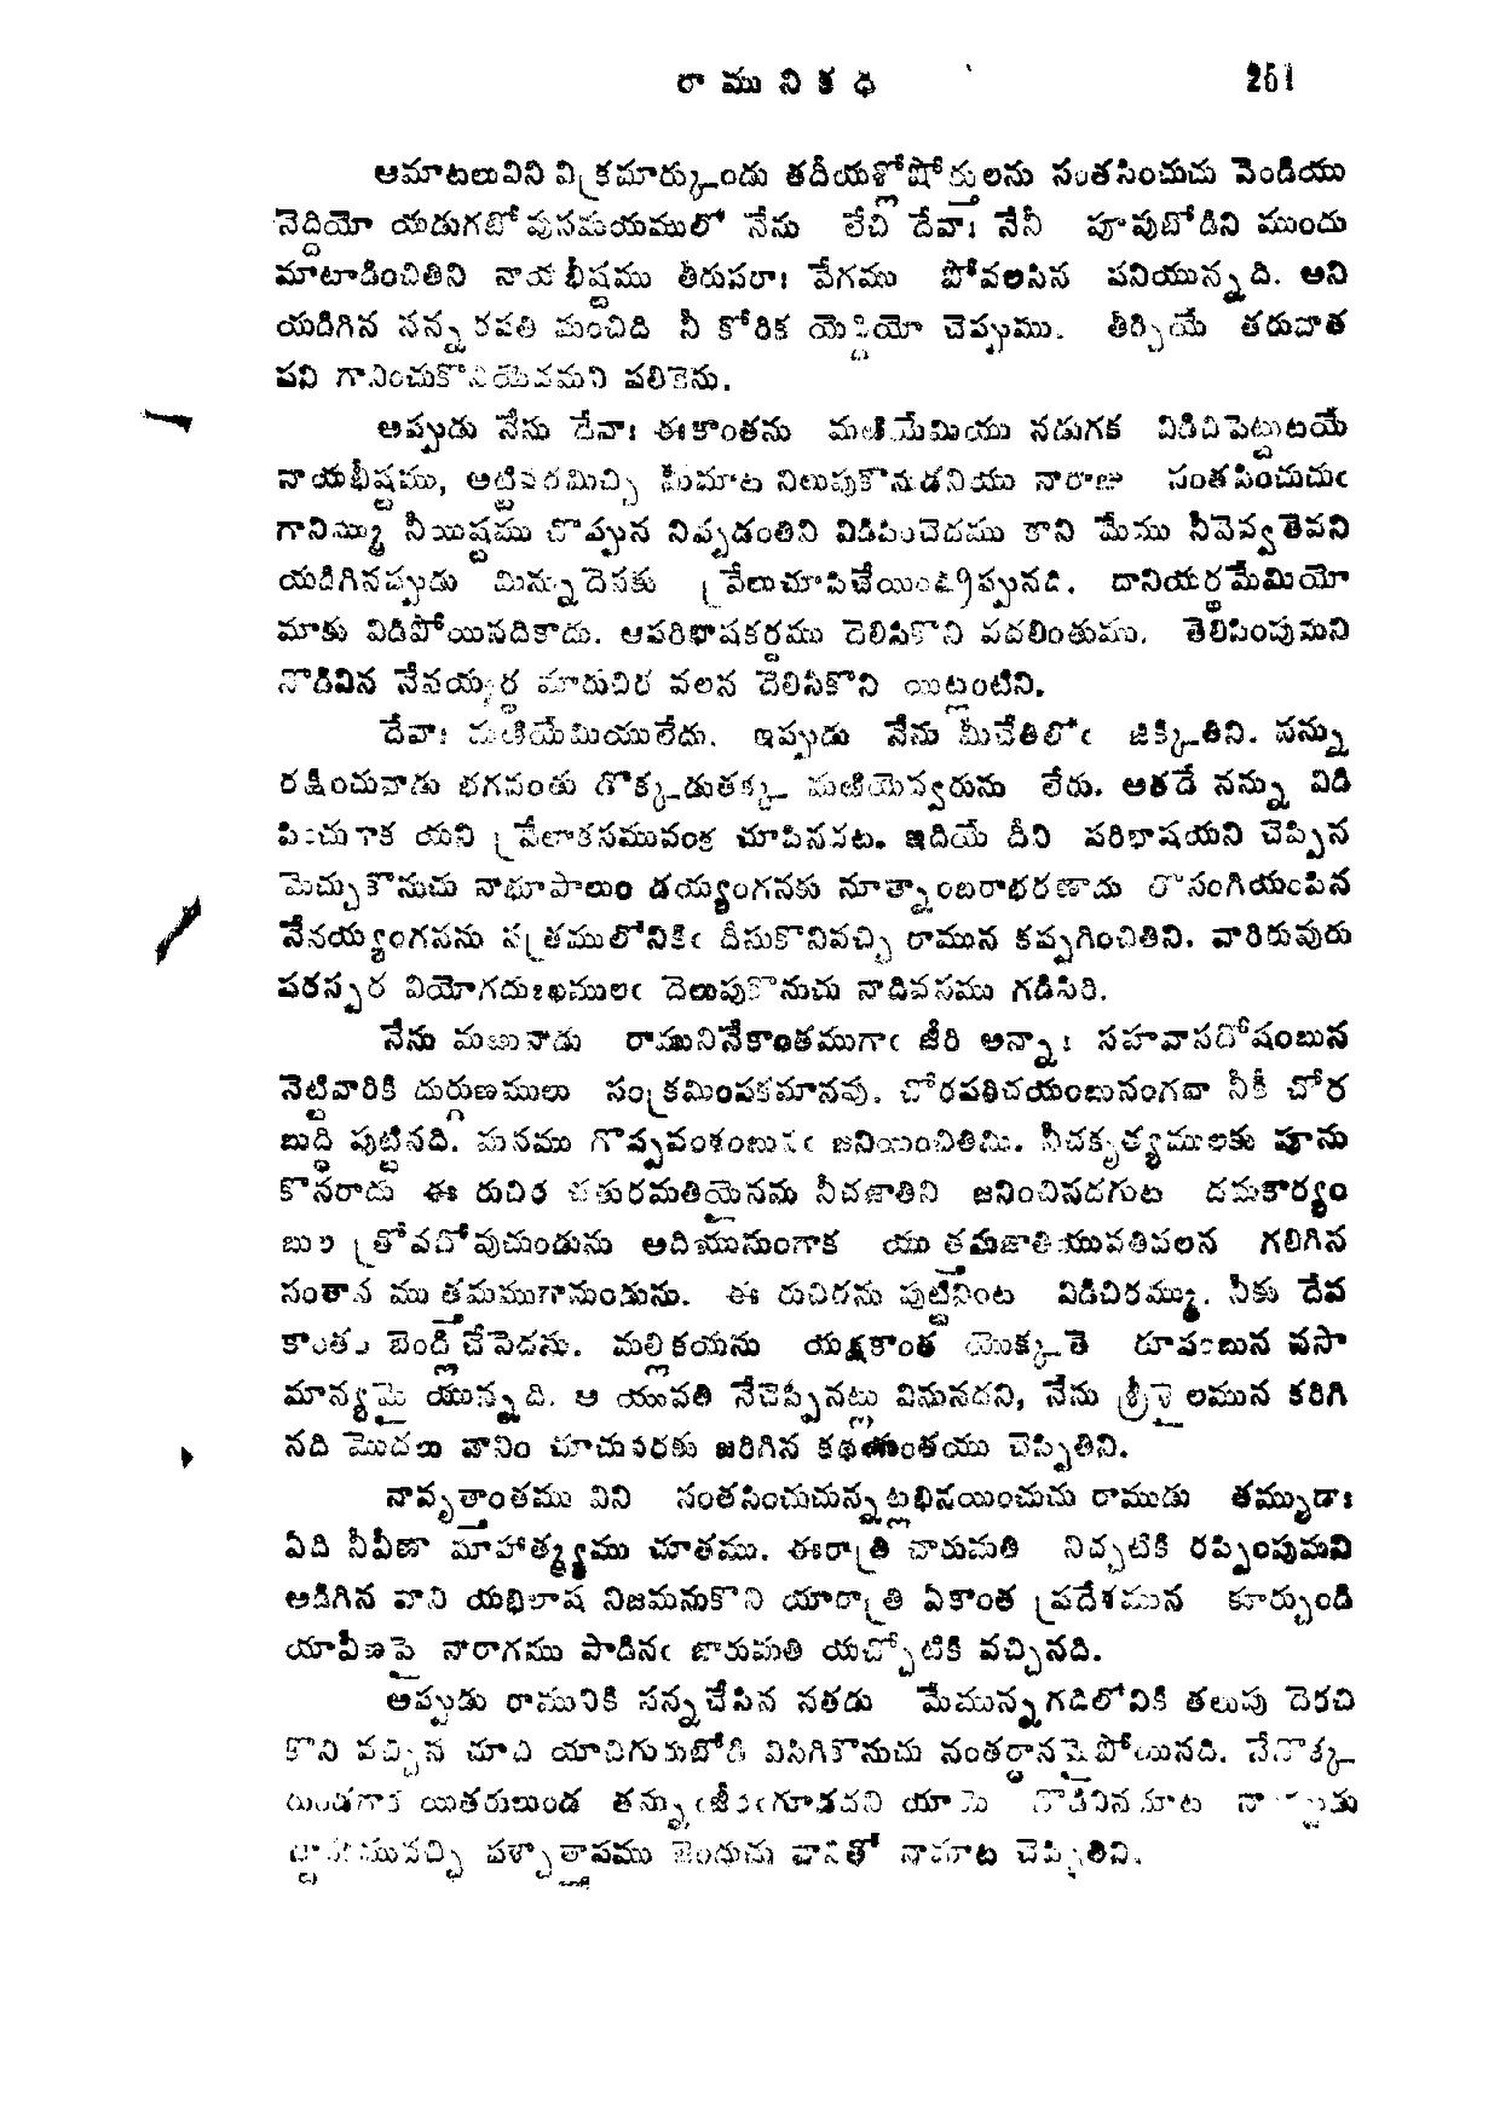ఆమాటలు విని విక్రమార్కుడు తదీయశ్లోషోక్తులను సంతసించుచు వెండియు నెద్దియో యడుగబోవు సమయములో నేను లేచి దేవా! నేనీ పూవుబోడిని ముందు మాటాడించితిని నాయభీష్టము తీరుపరా? వేగము పోవలసిన పనియున్నది. అని యడిగిన నన్నరపతి మంచిది నీ కోరిక యెద్దియో చెప్పుము. తీర్చియే తరువాత పని గావించుకొనియెదమని పలికెను.

అప్పుడు నేను దేవా! ఈ కాంతను మఱియేమియు నడుగక విడిచిపెట్టుటయే నాయభీష్టము, అట్టివరమిచ్చి మీమాట నిలుపుకొనుడనియు నారాజు సంతసించుచుఁ గానిమ్ము నీ యిష్టము చొప్పున నిప్పడంతిని విడిపించెదము కాని మేము నీవెవ్వతెవని యడిగినప్పుడు మిన్నుదెసకు వ్రేలుచూపి చేయిం ద్రిప్పునది. దానియర్థమేమియో మాకు విడిపోయినదికాదు. ఆపరిభాషకర్దము దెలిసికొని వదలింతుము. తెలిపింపుమని నొడివిన నేనయ్యర్ద మారుచిర వలన దెలిసికొని యిట్లంటిని.

దేవా! మఱియేమియులేదు. ఇప్పుడు నేను మీచేతిలోఁ జిక్కితిని. నన్ను రక్షించువాడు భగవంతు డొక్కడుతక్క మఱియెవ్వరును లేరు. అతడే నన్ను విడిపించుగాక యని వ్రేలాకసమువంక చూపినదట. ఇదియే దీని పరిభాషయని చెప్పిన మెచ్చుకొనుచు నాభూపాలుం డయ్యంగనకు నూత్నాంబరాభరణాదు లొసంగియంపిన నేనయ్యంగనను సత్రములోనికిఁ దీసుకొనివచ్చి రామున కప్పగించితిని. వారిరువురు పరస్పరవియోగదుఃఖములఁ దెలుపుకొనుచు నాదివసము గడిపిరి.

నేను మఱునాడు రాముని నేకాంతముగాఁ జీరి అన్నా! సహవాసదోషంబున నెట్టివారికి దుర్గుణములు సంక్రమింపకమానవు. చోరపరిచయంబునంగదా నీకీ చోర బుద్ధి పుట్టినది. మనము గొప్పవంశంబునఁ జనియించితిమి. నీచకృత్యములకు పూనుకొనరాదు ఈ రుచిర చతురమతియైనను నీచజాతిని జనించినదగుట దమకార్యంబుల త్రోవబోవుచుండును అదియునుంగాక యుత్తమజాతియువతివలన గలిగిన సంతాన ముత్తమముగానుండును. ఈ రుచిరను పుట్టినింట విడిచిరమ్ము. నీకు దేవకాంతం బెండ్లిచేసెదను. మల్లికయను యక్షకాంత యొక్కతె రూపంబున నసామాన్యమై యున్నది. ఆ యువతి నేచెప్పినట్లు వినునదని, నేను శ్రీశైలమున కరిగినది మొదలు వానిం చూచువరకు జరిగిన కథయంతయు చెప్పితిని.

నావృత్తాంతము విని సంతసించుచున్న ట్లభినయించుచు రాముడు తమ్ముడా? ఏది నీవీణామాహాత్మ్యము చూతము. ఈరాత్రి చారుమతి నిచ్చటికి రప్పింపుమని అడిగిన వాని యభిలాష నిజమనుకొని యారాత్రి ఏకాంతప్రదేశమున కూర్చుండి యావీణపై నారాగము పాడినఁ జారుమతి యచ్చోటికి వచ్చినది.

అప్పుడు రామునికి సన్నచేసిన నతడు మేమున్నగదిలోనికి తలుపు దెరచికొని వచ్చిన చూచి యాచిగురుబోడి విసిగికొనుచు నంతర్ధానమైపోయినది. నేనొక్కరుండగాక యితరులుండ తన్నుఁ జీరఁగూడదని యామె నొడివినమాట నాకప్పుడు జ్ఞాపకమువచ్చి పశ్చాతాపము జెందుచు వానితో నామాట చెప్పితిని.